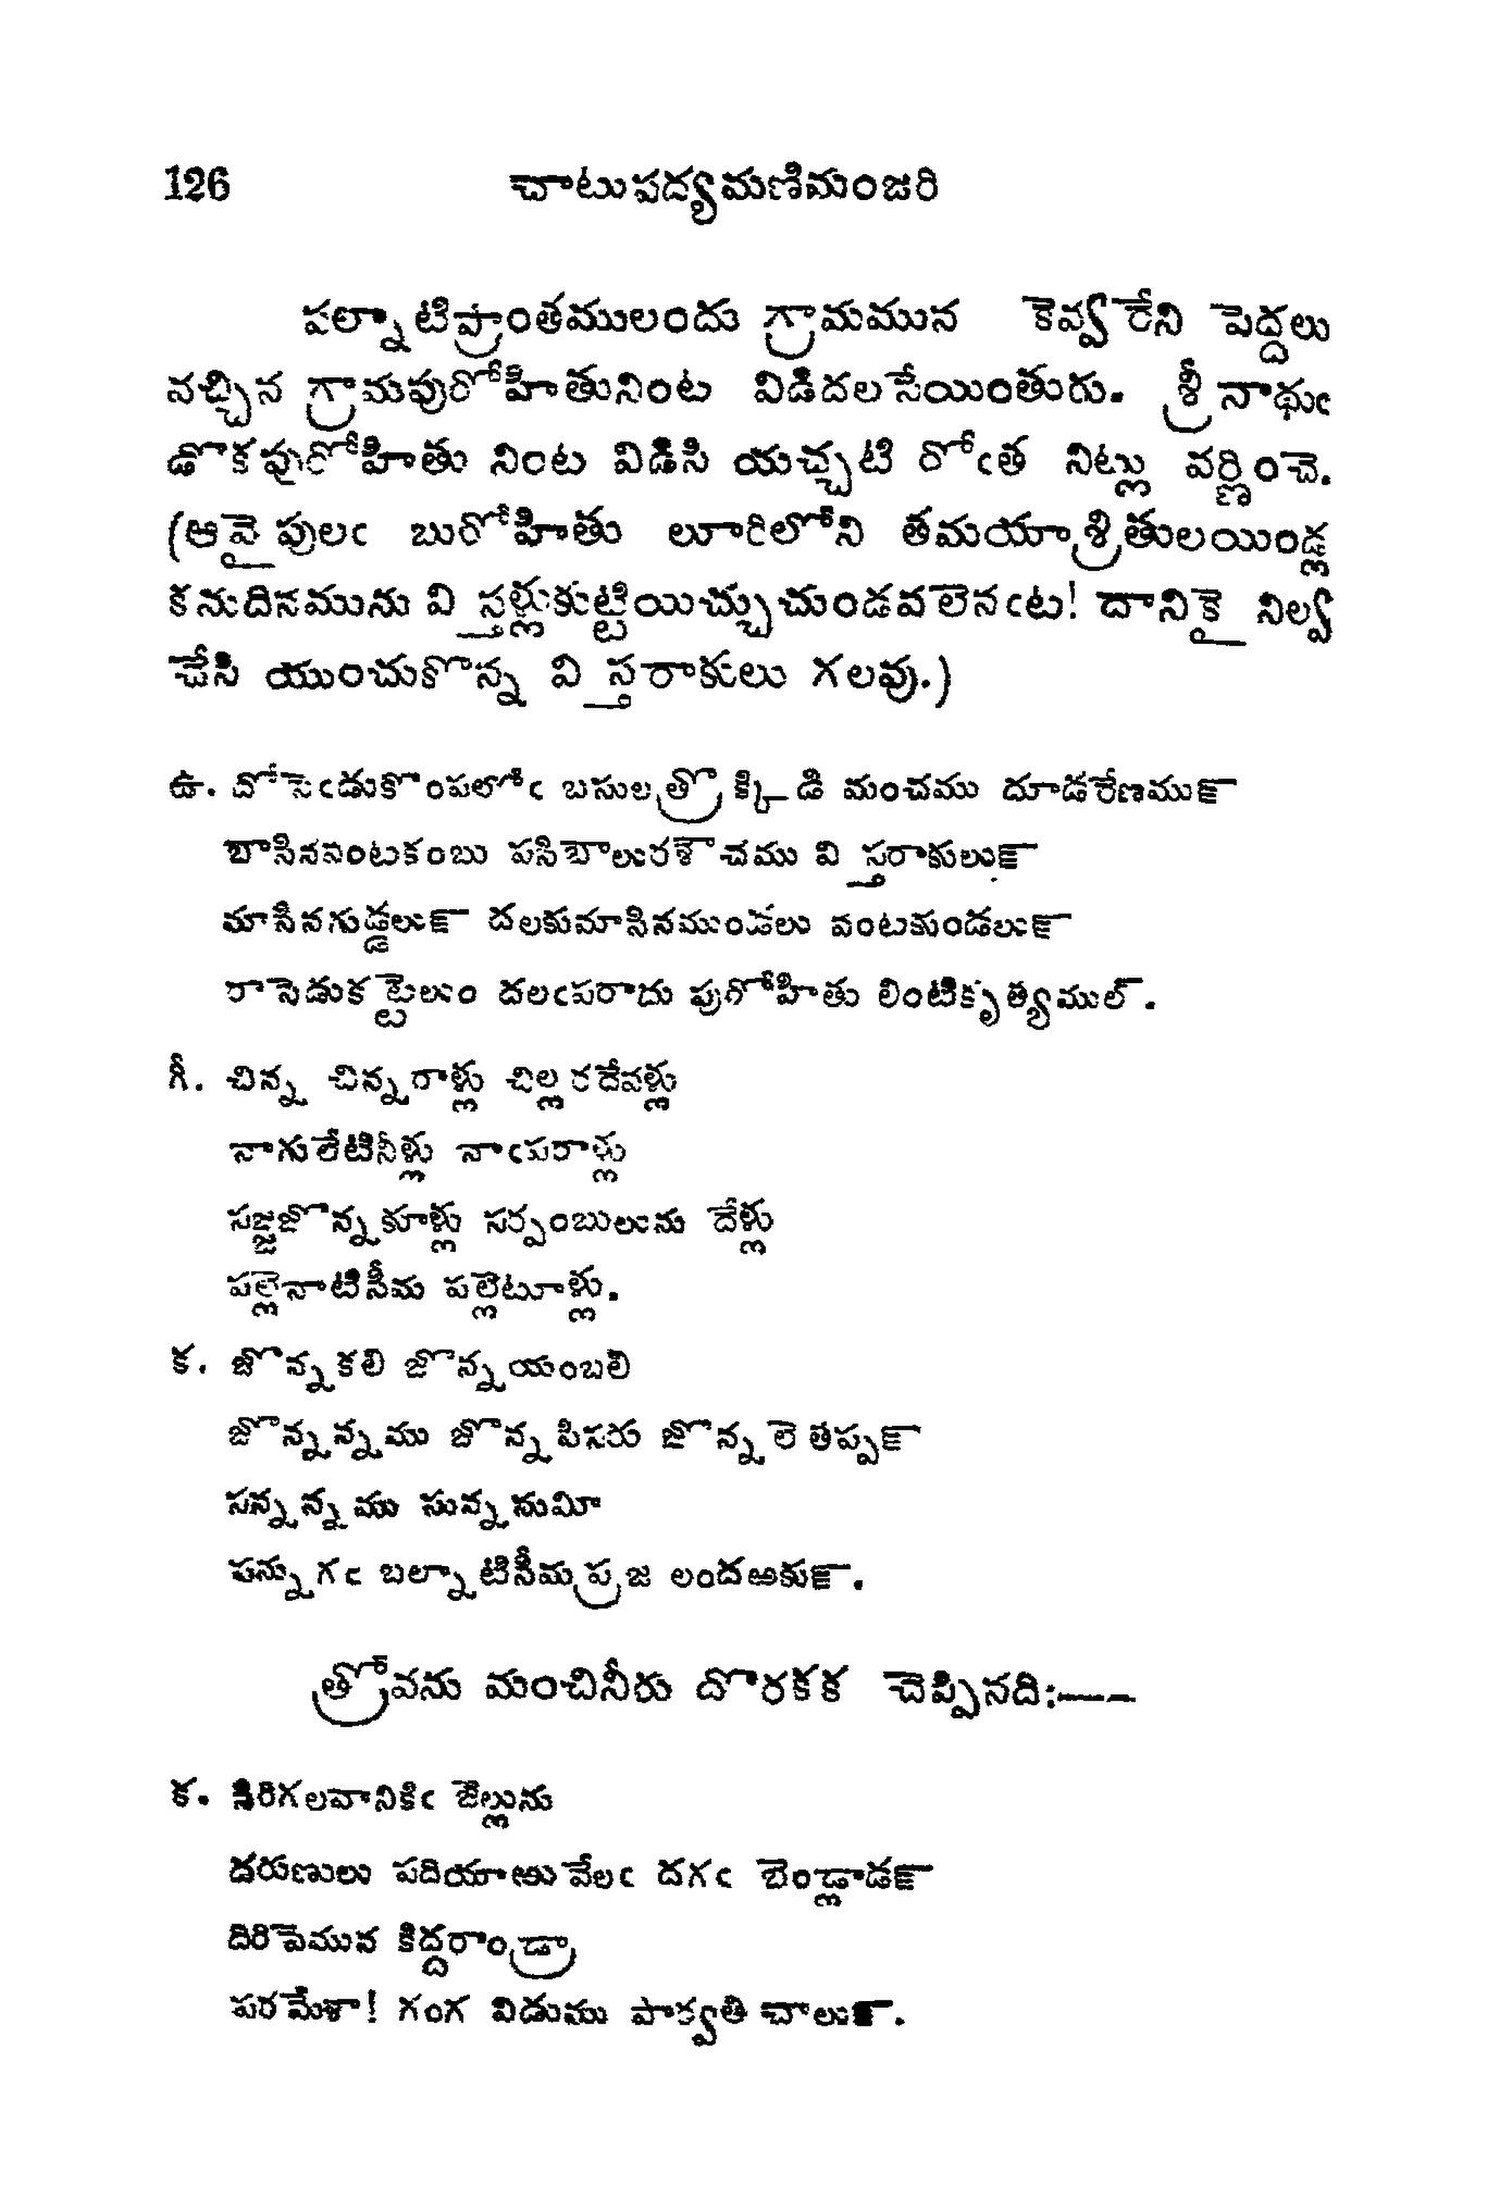పల్నాటిప్రాంతములందు గ్రామమున కెవ్వరేని పెద్దలు వచ్చిన గ్రామపురోహితునింట విడిదల సేయింతురు. శ్రీనాథుఁ డొకపురోహితునింట విడిసి యచ్చటి రోఁత నిట్లు వర్ణించె. (ఆవైపులఁ బురోహితు లూరిలోని తమయాశ్రితులయిండ్ల కనుదినమును విస్తళ్ళు కుట్టి యిచ్చుచుండవలెనఁట! దానికై నిల్వచేసి యుంచుకొన్న విస్తరాకులు గలవు.)
ఉ. దోసెఁడుకొంపలోఁ బసులత్రొక్కిడి మంచము దూడరేణమున్
 బాసినవంటకంబు పసిబాలురశౌచము విస్తరాకులున్
 మాసినగుడ్డలున్ దలకుమాసినముండలు వంటకుండలున్
 రాసెఁడుకట్టెలుం దలఁపరాదు పురోహితులింటికృత్యముల్.
ఆ. చిన్నచిన్నరాళ్ళు చిల్లరదేవళ్ళు
 నాగులేటినీళ్ళు నాఁపరాళ్ళు
 సజ్జజొన్నకూళ్ళు సర్పంబులును దేళ్ళు
 పల్లెనాఁటిసీమ పల్లెటూళ్ళు.
క. జొన్నకలి జొన్నయంబలి
 జొన్నన్నము జొన్నపిసరు జొన్నలె తప్పన్
 సన్నన్నము సున్నసుమీ
 పన్నుగఁ బల్నాటిసీమ ప్రజ లందఱకున్.
త్రోవను మంచినీరు దొరకక చెప్పినది—
క. సిరిగలవానికిఁ జెల్లును
 దరుణులు పదియాఱువేలఁ దగఁ బెండ్లాడన్
 దిరిపెమున కిద్దరాండ్రా
 పరమేశా! గంగ విడుము పార్వతి చాలున్.